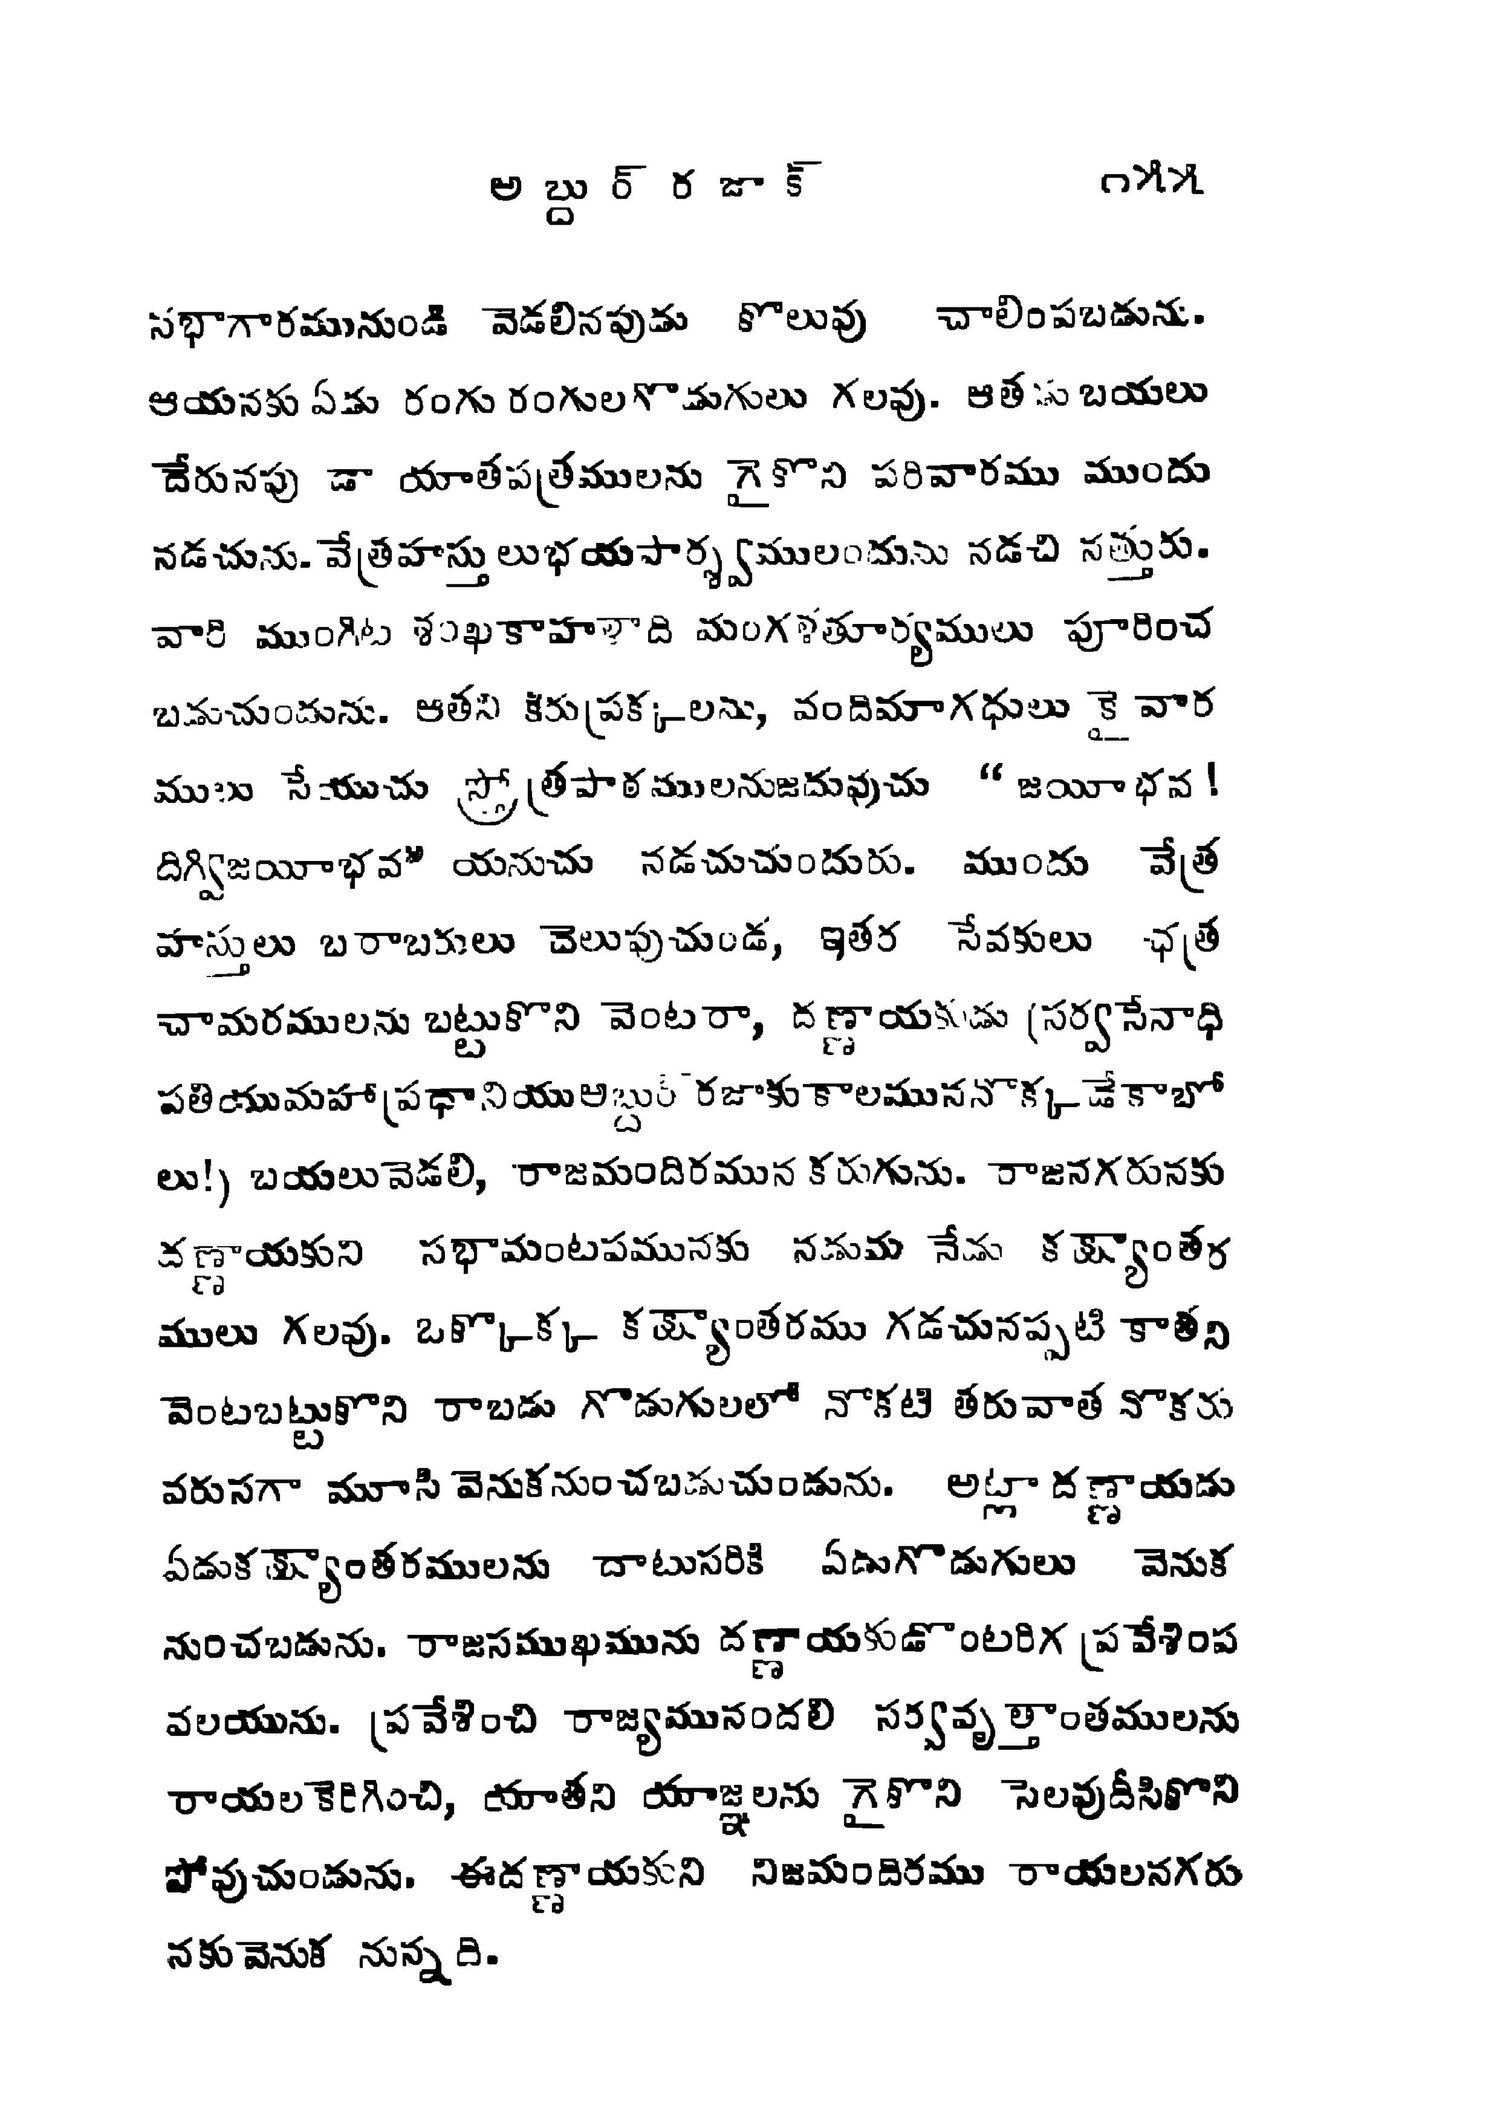సభాగారమునుండి వెడలినపుడు కొలువు చాలింపబడును. ఆయనకు ఏడు రంగురంగులగొడుగులు గలవు. ఆతడు బయలుదేరునపు డా యాతపత్రములను గైకొని పరివారము ముందు నడుచును. వేత్రహస్తులు భయపార్శ్వములందును నడచి వత్తురు. వారి ముంగిట శంఖకాహళాది మంగళతూర్యములు పూరించబడుచుండును. ఆతని కిరుప్రక్కలను, వందిమాగధులు కై వారములు సేయుచు స్త్రోత్రపాఠములను జదువుచు "జయీభవ! దిగ్విజియీభవ" యనుచు నడుచుచుందురు. ముందు వేత్రహస్తులు బరాబరులు దెలుపుచుండ, ఇతర సేవకులు ఛత్ర చామరములను బట్టుకొని వెంటరా, దణ్ణాయకుడు (సర్వసేనాధిపతియు మహాప్రధానియు అబ్దుర్‌రజాకు కాలమున నొక్కడేకాబోలు!) బయలువెడలి, రాజమందిరమున కరుగును. రాజనగరునకు దణ్ణాయకుని సభామంటపమునకు నడుమ నేడు కక్ష్యాంతరములు గలవు. ఒక్కొక్క కక్ష్యాంతరము గడచునప్పటి కాతని వెంటబట్టుకొని రాబడు గొడుగులలో నొకటి తరువాత నొకరు వరుసగా మూసి వెనుకనుంచ బడుచుండును. అట్లా దణ్ణాయడు ఏడుకక్ష్యాంతరములను దాటుసరికి ఏడుగొడుగులు వెనుక నుంచబడును. రాజసముఖమును దణ్ణాయకుడొంటరిగ ప్రవేశింప వలయును. ప్రవేశించి రాజ్యమునందలి సర్వవృత్తాంతములను రాయల కెరిగించి, యాతని యాజ్ఞాను గైకొని సెలవు దీసికొని పోవుచుండును. ఈదణ్ణాయకుని నిజమందిరము రాయలనగరునకు వెనుక నున్నది.